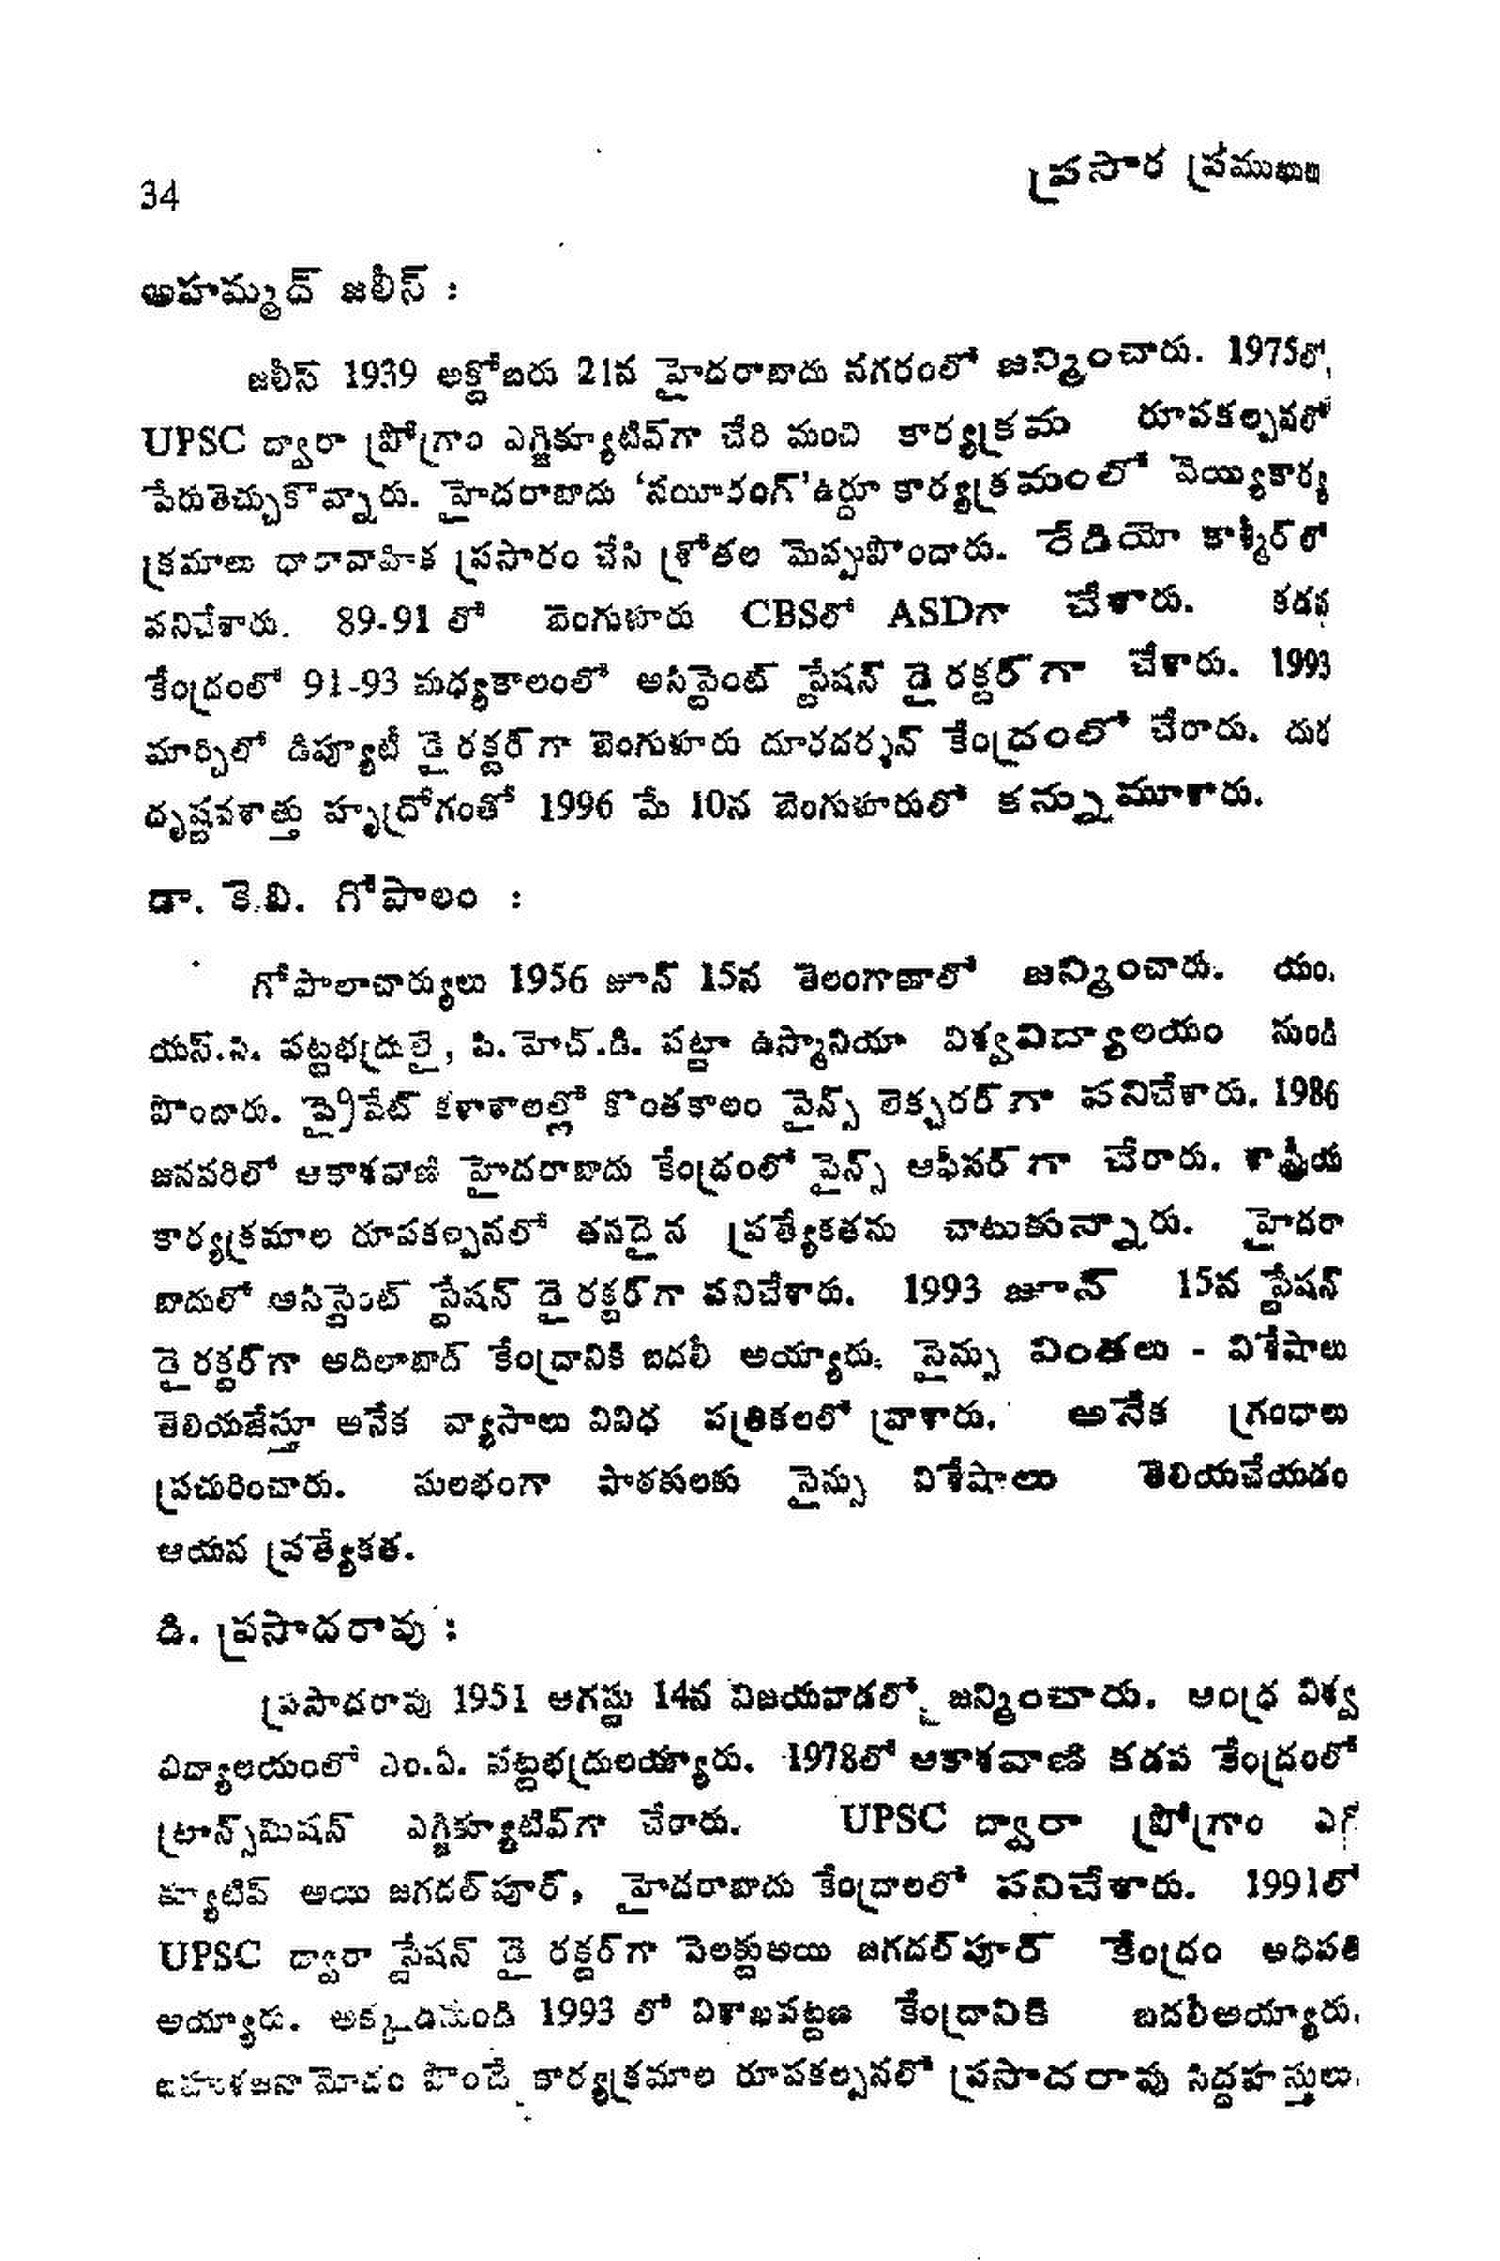జలీస్ 1939 అక్టోబరు 21న హైదరాబాదు నగరంలో జన్మించారు. 1975లో UPSC ద్వారా ప్రోగ్రాం ఎగ్జిక్యూటివ్‌గా చేరి మంచి కార్యక్రమ రూపకల్పనలో పేరుతెచ్చుకొన్నారు. హైదరాబాదు 'నయీరంగ్‌' ఉర్దూ కార్యక్రమంలో వెయ్యికార్యక్రమాలు ధారావాహిక ప్రసారం చేసి శ్రోతల మెప్పుపొందారు. రేడియో కాశ్మీర్‌లో పనిచేశారు. 89-91 లో బెంగుళూరు CBSలో ASDగా చేశారు. కడప కేంద్రంలో 91-93 మధ్యకాలంలో అసిస్టెంట్ స్టేషన్ డైరక్టర్ గా చేశారు. 1993 మార్చిలో డిప్యూటీ డైరక్టర్‌గా బెంగుళూరు దూరదర్శన్ కేంద్రంలో చేరారు. దురదృష్టవశాత్తు హృద్రోగంతో 1996 మే 10న బెంగుళూరులో కన్నుమూశారు.

గోపాలాచార్యులు 1956 జూన్ 15న తెలంగాణాలో జన్మించారు. యం. యస్. సి. పట్టభద్రులై, పి. హెచ్. డి. పట్టా ఉస్మానియా విశ్వవిద్యాలయం నుండి పొందారు. ప్రైవేట్ కళాశాలల్లో కొంతకాలం సైన్స్ లెక్చరర్‌గా పనిచేశారు. 1986 జనవరిలో ఆకాశవాణి హైదరాబాదు కేంద్రంలో సైన్స్ ఆఫీసర్‌గా చేరారు. శాస్త్రీయ కార్యక్రమాల రూపకల్పనలో తనదైన ప్రత్యేకతను చాటుకున్నారు. హైదరాబాదులో అసిస్టెంట్ స్టేషన్ డైరక్టర్‌గా పనిచేశారు. 1993 జూన్ 15న స్టేషన్ డైరక్టర్‌గా అదిలాబాద్ కేంద్రానికి బదిలీ అయ్యారు. సైన్సు వింతలు - విశేషాలు తెలియజేస్తూ అనేక వ్యాసాలు వివిధ పత్రికలలో వ్రాశారు. అనేక గ్రంథాలు ప్రచురించారు. సులభంగా పాఠకులకు సైన్సు విశేషాలు తెలియచేయడం ఆయన ప్రత్యేకత.

ప్రసాదరావు 1951 ఆగస్టు 14న విజయవాడలో జన్మించారు. ఆంధ్ర విశ్వవిద్యాలయంలో ఎం. ఏ. పట్టభద్రులయ్యారు. 1978లో ఆకాశవాణి కడప కేంద్రంలో ట్రాన్స్‌మిషన్ ఎగ్జిక్యూటివ్‌గా చేరారు. UPSC ద్వారా ప్రోగ్రాం ఎగ్జిక్యూటివ్ అయి జగదల్ పూర్, హైదరాబాదు కేంద్రాలలో పనిచేశారు. 1991 లో UPSC ద్వారా స్టేషన్ డైరక్టర్‌గా సెలక్టుఅయి జగదల్ పూర్ కేంద్ర అధిపతి అయ్యారు. అక్కడనుండి 1993 లో విశాఖపట్టణ కేంద్రానికి బదిలీఅయ్యారు. బహుళజనామోదం పొందే కార్యక్రమాల రూపకల్పనలో ప్రసాదరావు సిద్ధహస్తులు.